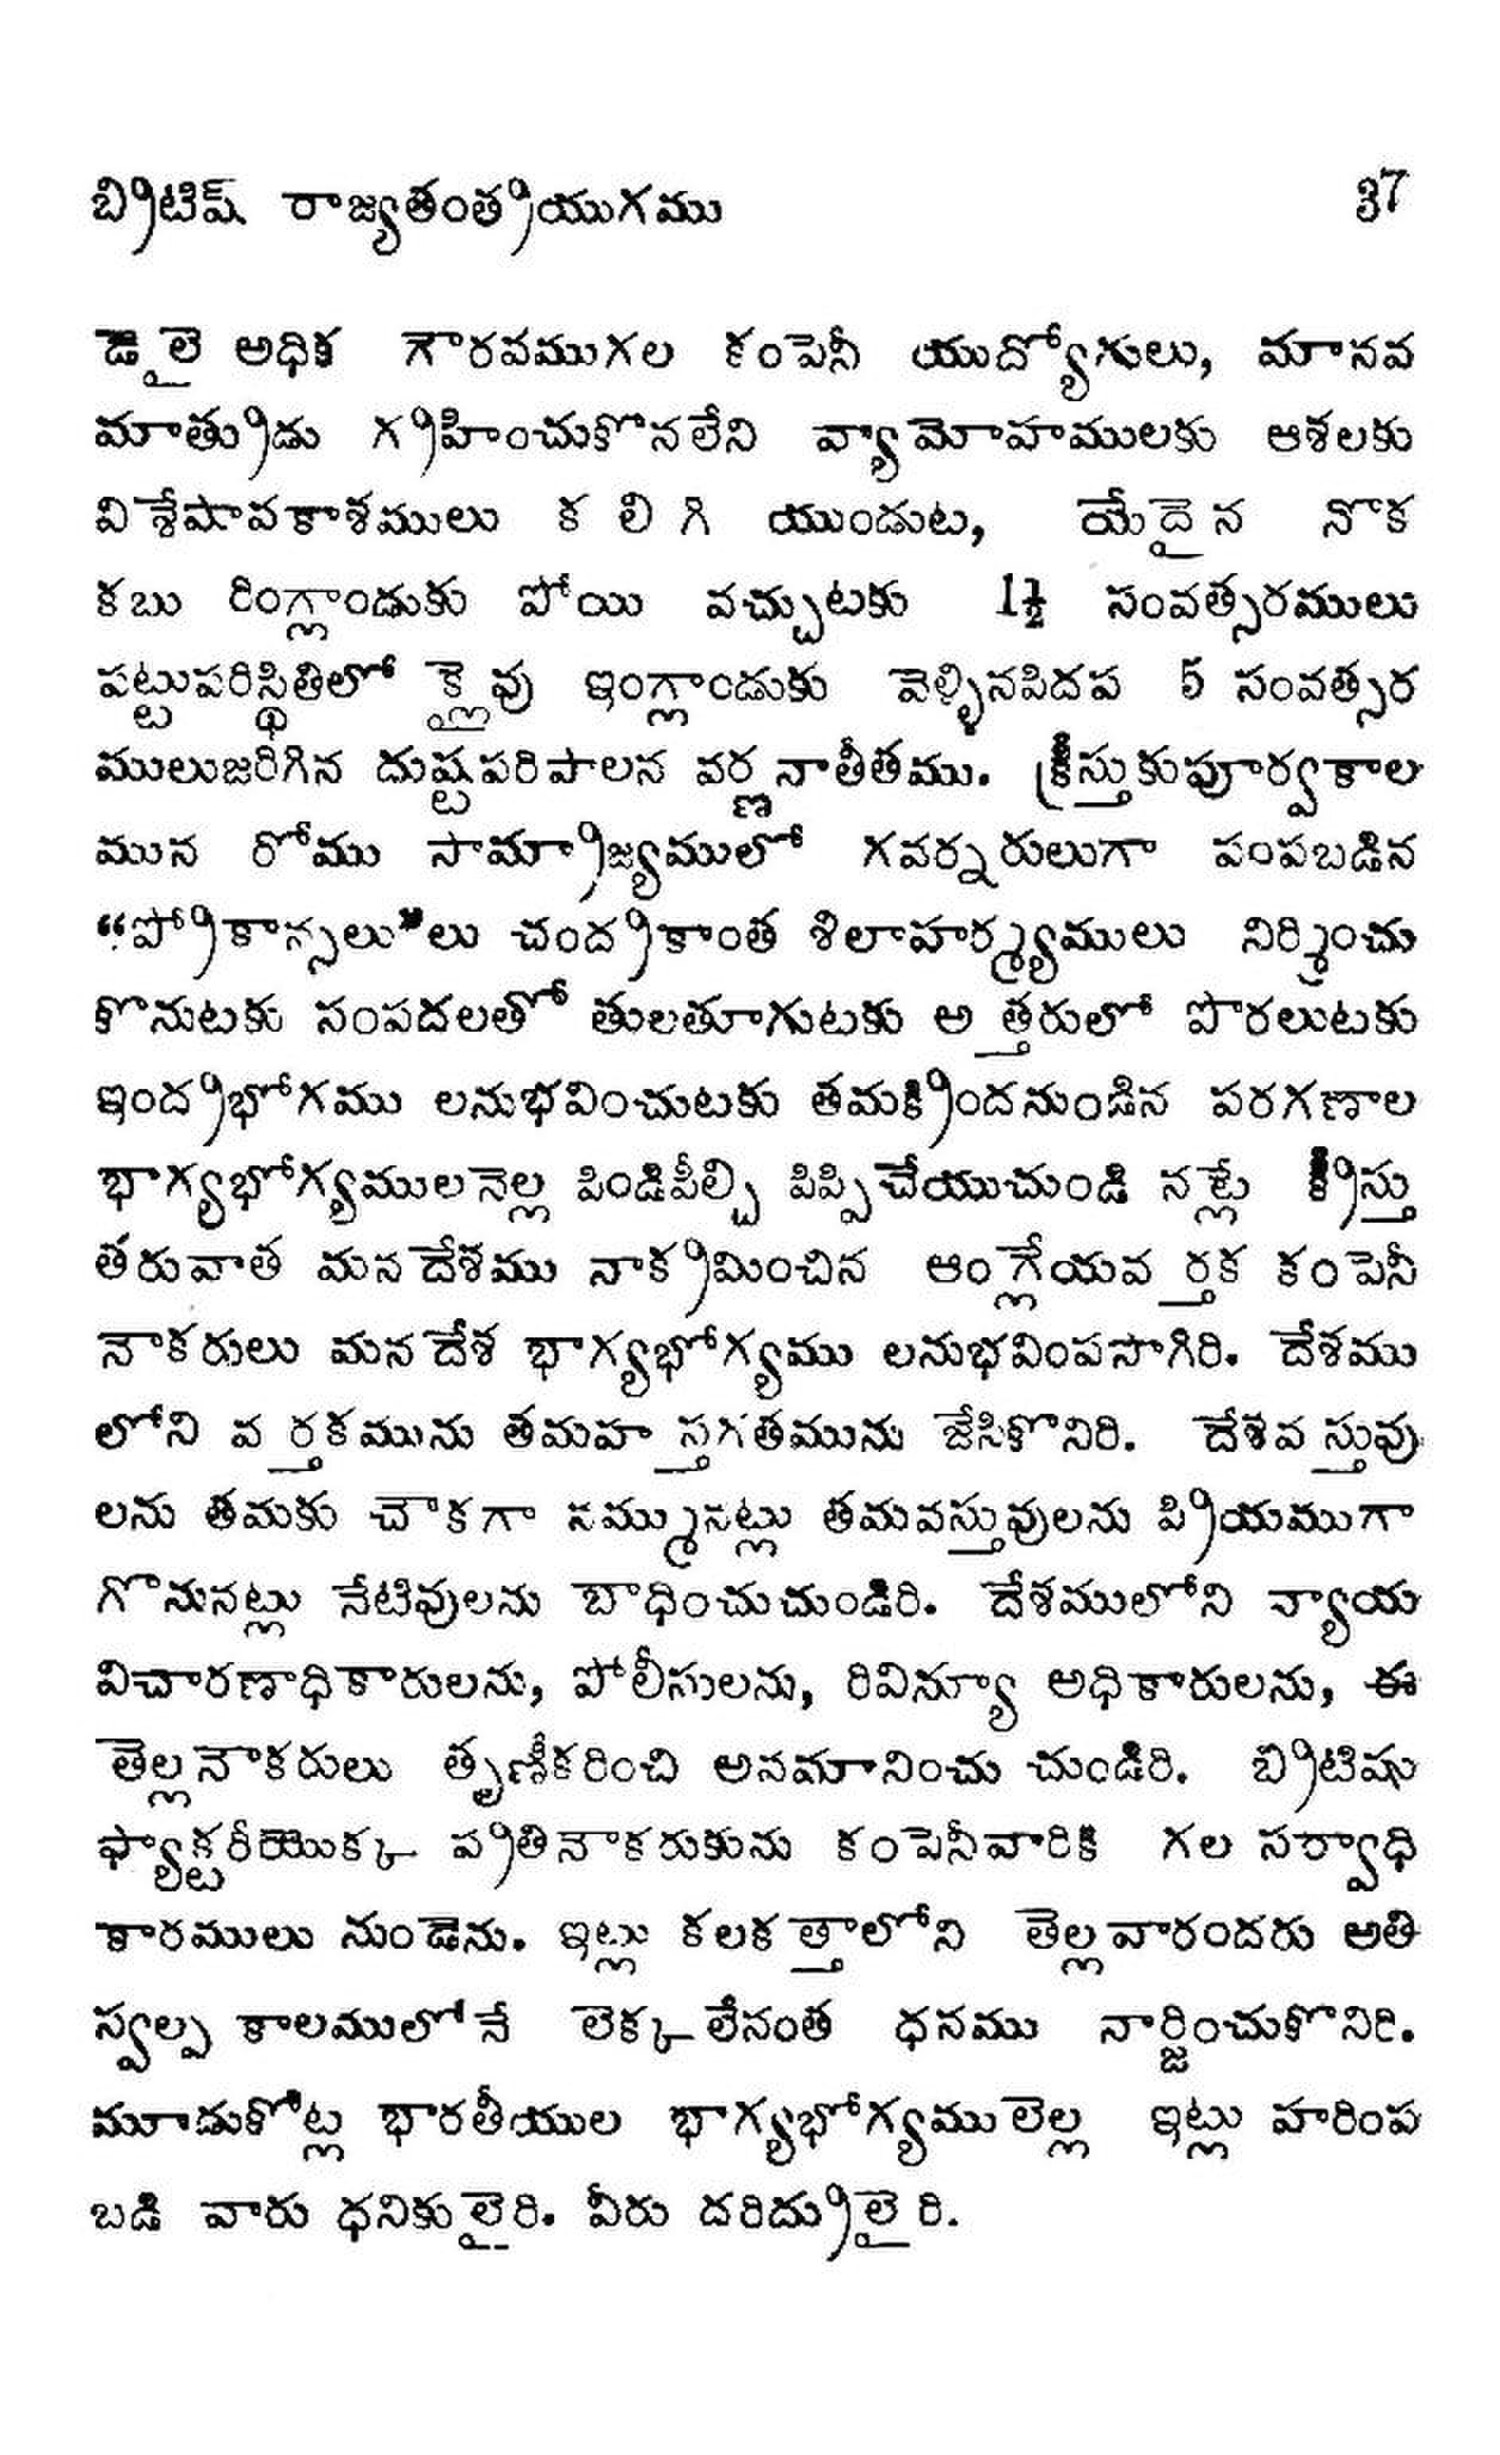డెలై అధిక గౌరవముగల కంపెనీ యుద్యోగులు, మానవమాత్రుడు గ్రహించుకొనలేని వ్యామోహములకు ఆశలకు విశేషావకాశములు కలిగి యుండుట, యేదైన నొక కబు రింగ్లాండుకు పోయి వచ్చుటకు 1 1/2 సంవత్సరములు పట్టుపరిస్థితిలో క్లైవు ఇంగ్లాండుకు వెళ్ళినపిదప 5 సంవత్సరములుజరిగిన దుష్టపరిపాలన వర్ణనాతీతము. క్రీస్తుకుపూర్వకాలమున రోము సామ్రాజ్యములో గవర్నరులుగా పంపబడిన “ప్రోకాన్సలు"లు చంద్రకాంత శిలాహర్మ్యములు నిర్మించుకొనుటకు సంపదలతో తులతూగుటకు అత్తరులో పొరలుటకు ఇంద్రభోగము లనుభవించుటకు తమక్రిందనుండిన పరగణాల భాగ్యభోగ్యములనెల్ల పిండిపీల్చి పిప్పిచేయుచుండి నట్లే క్రీస్తు తరువాత మనదేశము నాక్రమించిన ఆంగ్లేయవర్తక కంపెనీ నౌకరులు మనదేశ భాగ్యభోగ్యము లనుభవింపసొగిరి. దేశములోని వర్తకమును తమహస్తగతమును జేసికొనిరి. దేశవస్తువులను తమకు చౌకగా సమ్మునట్లు తమవస్తువులను ప్రియముగా గొనునట్లు నేటివులను బాధించుచుండిరి. దేశములోని న్యాయవిచారణాధికారులను, పోలీసులను, రివిన్యూ అధికారులను, ఈ తెల్లనౌకరులు తృణీకరించి అవమానించు చుండిరి. బ్రిటిషు ఫ్యాక్టరీయొక్క ప్రతినౌకరుకును కంపెనీవారికి గల సర్వాధికారములు నుండెను. ఇట్లు కలకత్తాలోని తెల్లవారందరు అతి స్వల్పకాలములోనే లెక్క లేనంత ధనము నార్జించుకొనిరి. మూడుకోట్ల భారతీయుల భాగ్యభోగ్యము లెల్ల ఇట్లు హరింపబడి వారు ధనికులైరి. వీరు దరిద్రులైరి.